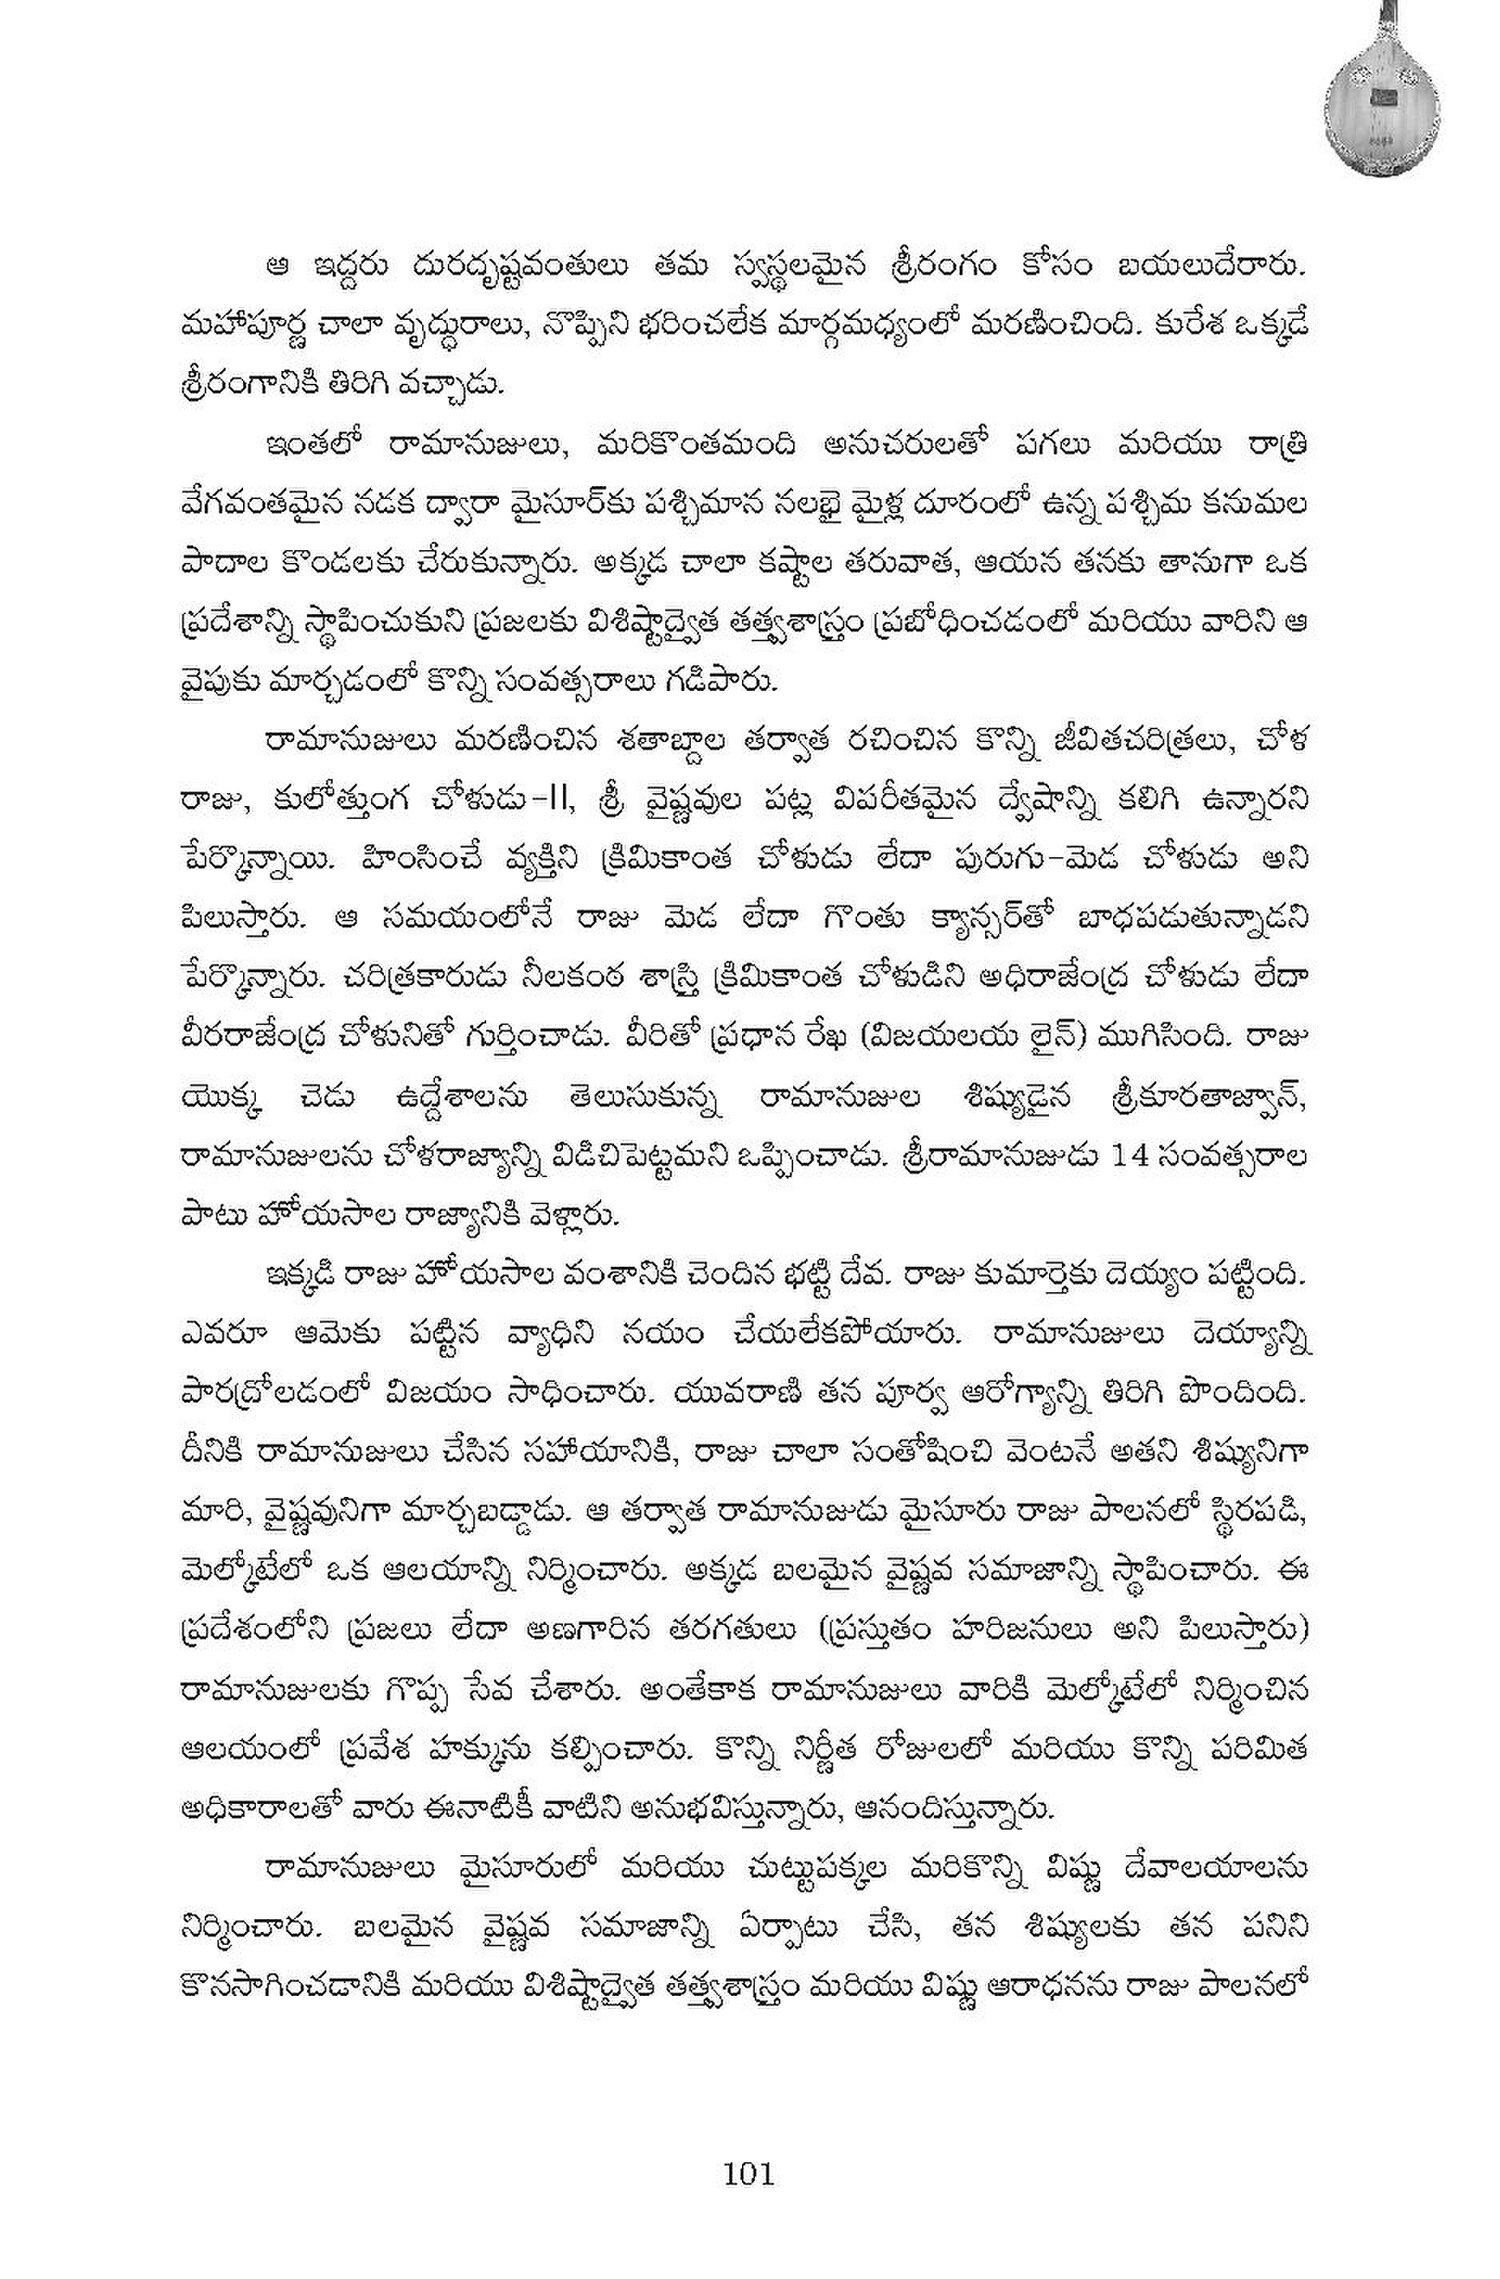ఆ ఇద్దరు దురదృష్టవంతులు తమ స్వస్థలమైన శ్రీరంగం కోసం బయలుదేరారు. మహాపూర్ణ చాలా వృద్ధురాలు, నొప్పిని భరించలేక మార్గమధ్యంలో మరణించింది. కురేశ ఒక్కడే శ్రీరంగానికి తిరిగి వచ్చాడు.

ఇంతలో రామానుజులు, మరికొంతమంది అనుచరులతో పగలు మరియు రాత్రి వేగవంతమైన నడక ద్వారా మైసూరు పశ్చిమాన నలభై మైళ్ల దూరంలో ఉన్న పశ్చిమ కనుమల పాదాల కొండలకు చేరుకున్నారు. అక్కడ చాలా కష్టాల తరువాత, ఆయన తనకు తానుగా ఒక ప్రదేశాన్ని స్థాపించుకుని ప్రజలకు విశిష్టాద్వైత తత్త్వశాస్త్రం ప్రబోధించడంలో మరియు వారిని ఆ వైపుకు మార్చడంలో కొన్ని సంవత్సరాలు గడిపారు.

రామానుజులు మరణించిన శతాబ్దాల తర్వాత రచించిన కొన్ని జీవితచరిత్రలు, చోళ రాజు, కులోత్తుంగ చోళుడు-11, శ్రీ వైష్ణవుల పట్ల విపరీతమైన ద్వేషాన్ని కలిగి ఉన్నారని పేర్కొన్నాయి. హింసించే వ్యక్తిని క్రిమికాంత చోళుడు లేదా పురుగు మెడ చోళుడు అని పిలుస్తారు. ఆ సమయంలోనే రాజు మెడ లేదా గొంతు క్యాన్సర్తో బాధపడుతున్నాడని పేర్కొన్నారు. చరిత్రకారుడు నీలకంఠ శాస్త్రి క్రిమికాంత చోళుడిని అధిరాజేంద్ర చోళుడు లేదా వీరరాజేంద్ర చోళునితో గుర్తించాడు. వీరితో ప్రధాన రేఖ (విజయలయ లైన్) ముగిసింది. రాజు యొక్క చెడు ఉద్దేశాలను తెలుసుకున్న రామానుజుల శిష్యుడైన శ్రీకూరతాజ్వాన్, రామానుజులను చోళరాజ్యాన్ని విడిచిపెట్టమని ఒప్పించాడు. శ్రీరామానుజుడు 14 సంవత్సరాల పాటు హోయసాల రాజ్యానికి వెళ్లారు.

ఇక్కడి రాజు హోయసాల వంశానికి చెందిన భట్టి దేవ. రాజు కుమార్తెకు దెయ్యం పట్టింది. ఎవరూ ఆమెకు పట్టిన వ్యాధిని నయం చేయలేకపోయారు. రామానుజులు దెయ్యాన్ని పారద్రోలడంలో విజయం సాధించారు. యువరాణి తన పూర్వ ఆరోగ్యాన్ని తిరిగి పొందింది. దీనికి రామానుజులు చేసిన సహాయానికి, రాజు చాలా సంతోషించి వెంటనే అతని శిష్యునిగా
మారి, వైష్ణవునిగా మార్చబడ్డాడు. ఆ తర్వాత రామానుజుడు మైసూరు రాజు పాలనలో స్థిరపడి, మెల్కోటేలో ఒక ఆలయాన్ని నిర్మించారు. అక్కడ బలమైన వైష్ణవ సమాజాన్ని స్థాపించారు. ఈ ప్రదేశంలోని ప్రజలు లేదా అణగారిన తరగతులు (ప్రస్తుతం హరిజనులు అని పిలుస్తారు) రామానుజులకు గొప్ప సేవ చేశారు. అంతేకాక రామానుజులు వారికి మెల్కోటేలో నిర్మించిన ఆలయంలో ప్రవేశ హక్కును కల్పించారు. కొన్ని నిర్ణీత రోజులలో మరియు కొన్ని పరిమిత
అధికారాలతో వారు ఈనాటికీ వాటిని అనుభవిస్తున్నారు, ఆనందిస్తున్నారు.

రామానుజులు మైసూరులో మరియు చుట్టుపక్కల మరికొన్ని విష్ణు దేవాలయాలను నిర్మించారు. బలమైన వైష్ణవ సమాజాన్ని ఏర్పాటు చేసి, తన శిష్యులకు తన పనిని కొనసాగించడానికి మరియు విశిష్టాద్వైత తత్త్వశాస్త్రం మరియు విష్ణు ఆరాధనను రాజు పాలనలో